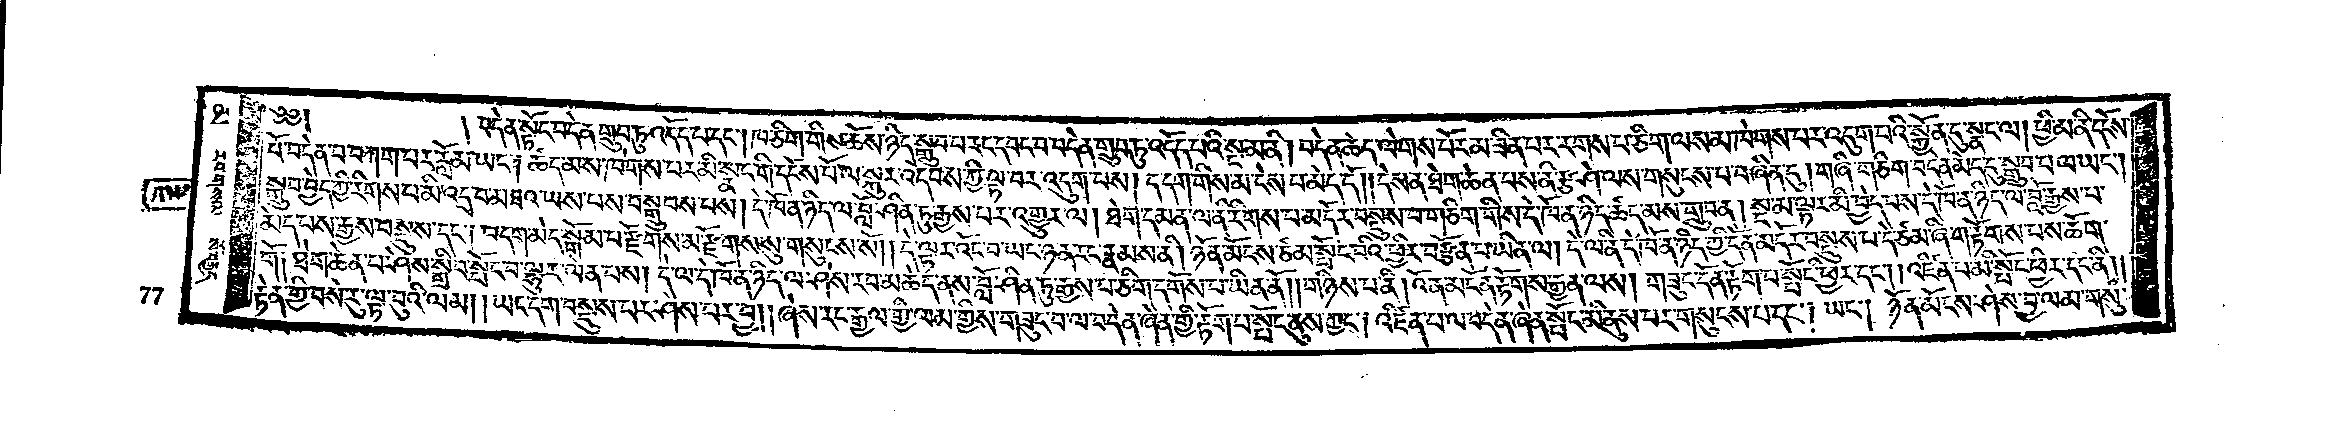༄༅། །བདེན་སྟོང་བདེན་གྲུབ་ཏུ་འདོད་པ་དང་། ཁ་ཅིག་གིས་ཆོས་ཉིད་སྒྲུབ་པ་རང་དབང་བ་བདེན་གྲུབ་ཏུ་འདོད་པའི་སྔ་མ་ནི། བདེན་ཚད་ལེགས་པོར་མ་ཟིན་པར་རགས་པ་ཅིག་ལས་མ་ཁེགས་པར་འདུག་པའི་སྐྱོན་དུ་སྣང་ལ། ཕྱི་མ་ནི་དངོས་
པོ་བདེན་པ་བཀག་པར་རློམ་ཡང་། ཚད་མས་ཁེགས་པར་མི་སྣང་གི་དངོས་པོ་ལ་སྐུར་འདེབས་ཀྱི་ལྟ་བར་འདུག་པས། དེ་དག་གིས་མ་ངེས་པ་མེད་དོ། །དེས་ན་ཐེག་ཆེན་པས་ནི་རྩ་ཤེ་ལས་གསུངས་པ་བཞིན་དུ། གཞི་གཅིག་བདེན་མེད་དུ་སྒྲུབ་པ་ལ་ཡང་།
སྒྲུབ་བྱེད་ཀྱི་རིགས་པ་མི་འདྲ་བ་མཐའ་ཡས་པས་བསྒྲུབས་པས། དེ་ཁོ་ན་ཉིད་ལ་བློ་ཤིན་ཏུ་རྒྱས་པར་འགྱུར་ལ། ཐེག་དམན་ལ་ནི་རིགས་པ་མདོར་བསྡུས་པ་ཞིག་གིས་དེ་ཁོ་ན་ཉིད་ཚད་མས་གྲུབ་ན། སྔ་མ་ལྟར་མི་བྱེད་པས་དེ་ཁོ་ན་ཉིད་ལ་བློ་རྒྱས་པ་
མེད་པས་རྒྱས་བསྡུས་དང་། བདག་མེད་སྒོམ་པ་རྫོགས་མ་རྫོགས་སུ་གསུངས་སོ། །དེ་ལྟར་འོང་བ་ཡང་ཉན་རང་རྣམས་ནི། ཉོན་མོངས་ཙམ་སྤོང་བའི་ཕྱིར་བརྩོན་པ་ཡིན་ལ། དེ་ལ་ནི་དེ་ཁོ་ན་ཉིད་ཀྱི་དོན་མདོར་བསྡུས་པ་དེ་ཙམ་ཞིག་རྟོགས་པས་ཆོག་
གོ །ཐེག་ཆེན་པ་ཤེས་སྒྲིབ་སྤོང་བ་ལྷུར་ལེན་པས། དེ་ལ་དེ་ཁོ་ན་ཉིད་ལ་ཤེས་རབ་མཆེད་ནས་བློ་ཤིན་ཏུ་རྒྱས་པ་ཞིག་དགོས་པ་ཡིན་ནོ། །གཉིས་པ་ནི། འོ་ན་མངོན་རྟོགས་རྒྱན་ལས། གཟུང་དོན་རྟོག་པ་སྤོང་ཕྱིར་དང་། །འཛིན་པ་མི་སྤོང་ཕྱིར་དང་ནི། །
རྟེན་གྱི་བསེ་རུ་ལྟ་བུའི་ལམ། །ཡང་དག་བསྡུས་པར་ཤེས་པར་བྱ། །ཞེས་རང་རྒྱལ་གྱི་ལམ་གྱིས་གཟུང་བ་ལ་བདེན་ཞེན་གྱི་རྟོག་པ་སྤོང་ནུས་ཀྱང་། འཛིན་པ་ལ་བདེན་ཞེན་སྤོང་མི་ནུས་པར་གསུངས་པ་དང་། ཡང་། ཉོན་མོངས་ཤེས་བྱ་ལམ་གསུམ་